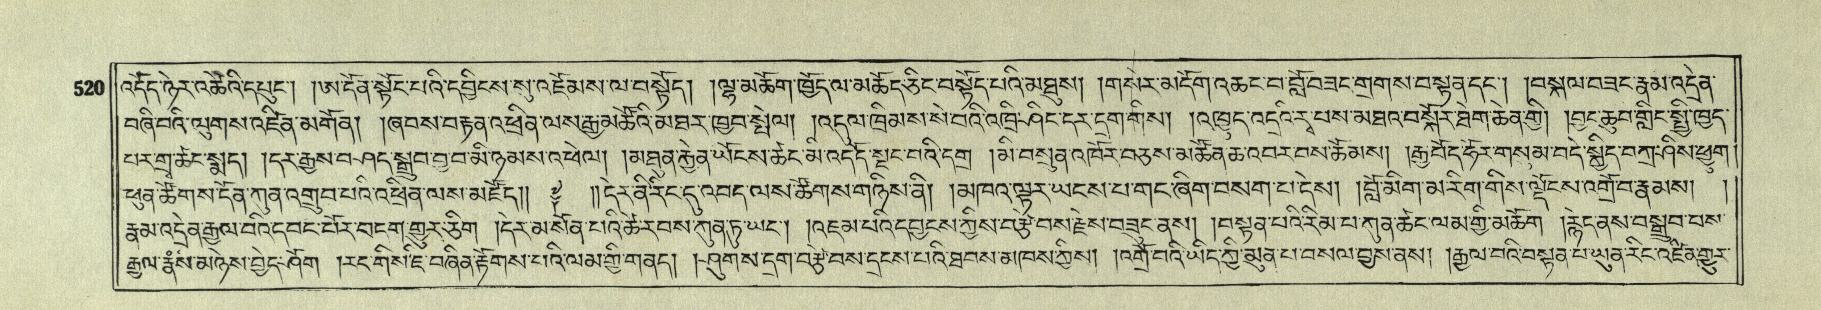འདོད་ཉེར་འཚེའི་དཔུང་། །ཨ་དོན་སྟོང་པའི་དབྱིངས་སུ་འཇོམས་ལ་བསྟོད། །ལྷ་མཆོག་ཁྱོད་ལ་མཆོད་ཅིང་བསྟོད་པའི་མཐུས། །གསེར་མདོག་འཆང་བ་བློ་བཟང་གྲགས་བསྟན་དང་། །བསྐལ་བཟང་རྣམ་འདྲེན་
བཞི་བའི་ལུགས་འཛིན་མགོན། །ཞབས་བརྟན་འཕྲིན་ལས་རྒྱ་མཚོའི་མཐར་ཁྱབ་སྤེལ། །འདུལ་ཁྲིམས་སེ་བའི་འཁྲི་ཤིང་དར་དྲག་གིས། །འཁྱུད་འདྲའི་རྭ་པས་མཐའ་བསྐོར་ཐེག་ཆེན་གྱི། །བྱང་ཆུབ་གླིང་སྤྱི་ཁྱད་
པར་གྲྭ་ཚང་སྨད། །དར་རྒྱས་བཤད་སྒྲུབ་བྱ་བ་མི་ཉམས་འཕེལ། །མཐུན་རྐྱེན་ཡོངས་ཚང་མི་འདོད་སྡང་བའི་དགྲ་།མི་བསྲུན་འཁོར་བཅས་མཚོན་ཆ་འབར་བས་ཆོམས། །རྒྱ་བོད་ཧོར་གསུམ་བདེ་སྐྱིད་བཀྲ་ཤིས་ཕྱུག་
ཕུན་ཚོགས་དོན་ཀུན་འགྲུབ་པའི་འཕྲིན་ལས་མཛོད།། འ་།།དེར་ནི་རིང་དུ་འབད་ལས་ཚོགས་གཉིས་ནི། །མཁའ་ལྟར་ཡངས་པ་གང་ཞིག་བསག་པ་དེས། །བློ་མིག་མ་རིག་གིས་ལྡོངས་འགྲོ་བ་རྣམས། །
རྣམ་འདྲེན་རྒྱལ་བའི་དབང་པོར་བདག་གྱུར་ཅིག །དེར་མ་སོན་པའི་ཚེ་རབས་ཀུན་ཏུ་ཡང་། །འཇམ་པའི་དབྱངས་ཀྱིས་བརྩེ་བས་རྗེས་བཟུང་ནས། །བསྟན་པའི་རིམ་པ་ཀུན་ཚང་ལམ་གྱི་མཆོག །རྙེད་ནས་བསྒྲུབ་པས་
རྒྱལ་རྣཾས་མཉེས་བྱེད་ཤོག །རང་གིས་ཇི་བཞིན་རྟོགས་པའི་ལམ་གྱི་གནད། །ཤུགས་དྲག་བརྩེ་བས་དྲངས་པའི་ཐབས་མཁས་ཀྱིས། །འགྲོ་བའི་ཡིད་ཀྱི་མུན་པ་བསལ་བྱས་ནས། །རྒྱལ་བའི་བསྟན་པ་ཡུན་རིང་འཛིན་གྱུར་